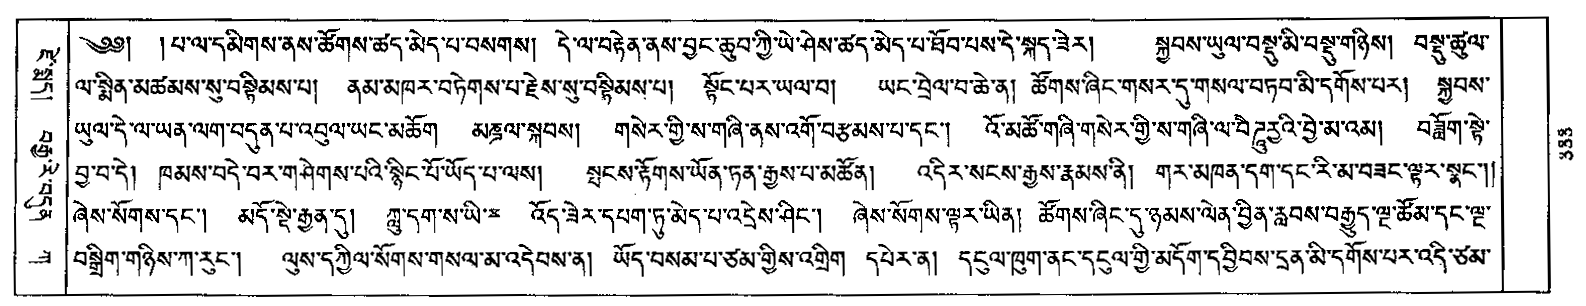༄༅། །པ་ལ་དམིགས་ནས་ཚོགས་ཚད་མེད་པ་བསགས། དེ་ལ་བརྟེན་ནས་བྱང་ཆུབ་ཀྱི་ཡེ་ཤེས་ཚད་མེད་པ་ཐོབ་པས་དེ་སྐད་ཟེར། སྐྱབས་ཡུལ་བསྡུ་མི་བསྡུ་གཉིས། བསྡུ་ཚུལ་
ལ་སྨིན་མཚམས་སུ་བསྟིམས་པ། ནམ་མཁར་བཏེགས་པ་རྗེས་སུ་བསྟིམས་པ། སྟོང་པར་ཡལ་བ། ཡང་བྲེལ་བ་ཆེ་ན། ཚོགས་ཞིང་གསར་དུ་གསལ་བཏབ་མི་དགོས་པར། སྐྱབས་
ཡུལ་དེ་ལ་ཡན་ལག་བདུན་པ་འབུལ་ཡང་མཆོག་མཎྜལ་སྐབས། གསེར་གྱི་ས་གཞི་ནས་འགོ་བརྩམས་པ་དང་། འོ་མཚོ་གཞི་གསེར་གྱི་ས་གཞི་ལ་བཻཌཱུརྱའི་བྱེ་མ་འམ། བཟློག་སྟེ་
བྱ་བ་དེ། ཁམས་བདེ་བར་གཤེགས་པའི་སྙིང་པོ་ཡོད་པ་ལས། སྤངས་རྟོགས་ཡོན་ཏན་རྒྱས་པ་མཚོན། འདིར་སངས་རྒྱས་རྣམས་ནི། གར་མཁན་དག་དང་རི་མ་བཟང་ལྟར་སྣང།།
ཞེས་སོགས་དང་། མདོ་སྡེ་རྒྱན་དུ། ཀླུ་དག་ས་ཡི་྾་འོད་ཟེར་དཔག་ཏུ་མེད་པ་འདྲེས་ཤིང་། ཞེས་སོགས་ལྟར་ཡིན། ཚོགས་ཞིང་དུ་ཉམས་ལེན་བྱིན་རླབས་བརྒྱུད་ལྔ་ཚོམ་དང་ལྔ་
བསྒྲིག་གཉིས་ཀ་རུང་། ལུས་དཀྱིལ་སོགས་གསལ་མ་འདེབས་ན། ཡོད་བསམ་པ་ཙམ་གྱིས་འགྲིག་དཔེར་ན། དངུལ་ཁུག་ནང་དངུལ་གྱི་མདོག་དབྱིབས་དྲན་མི་དགོས་པར་འདི་ཙམ་